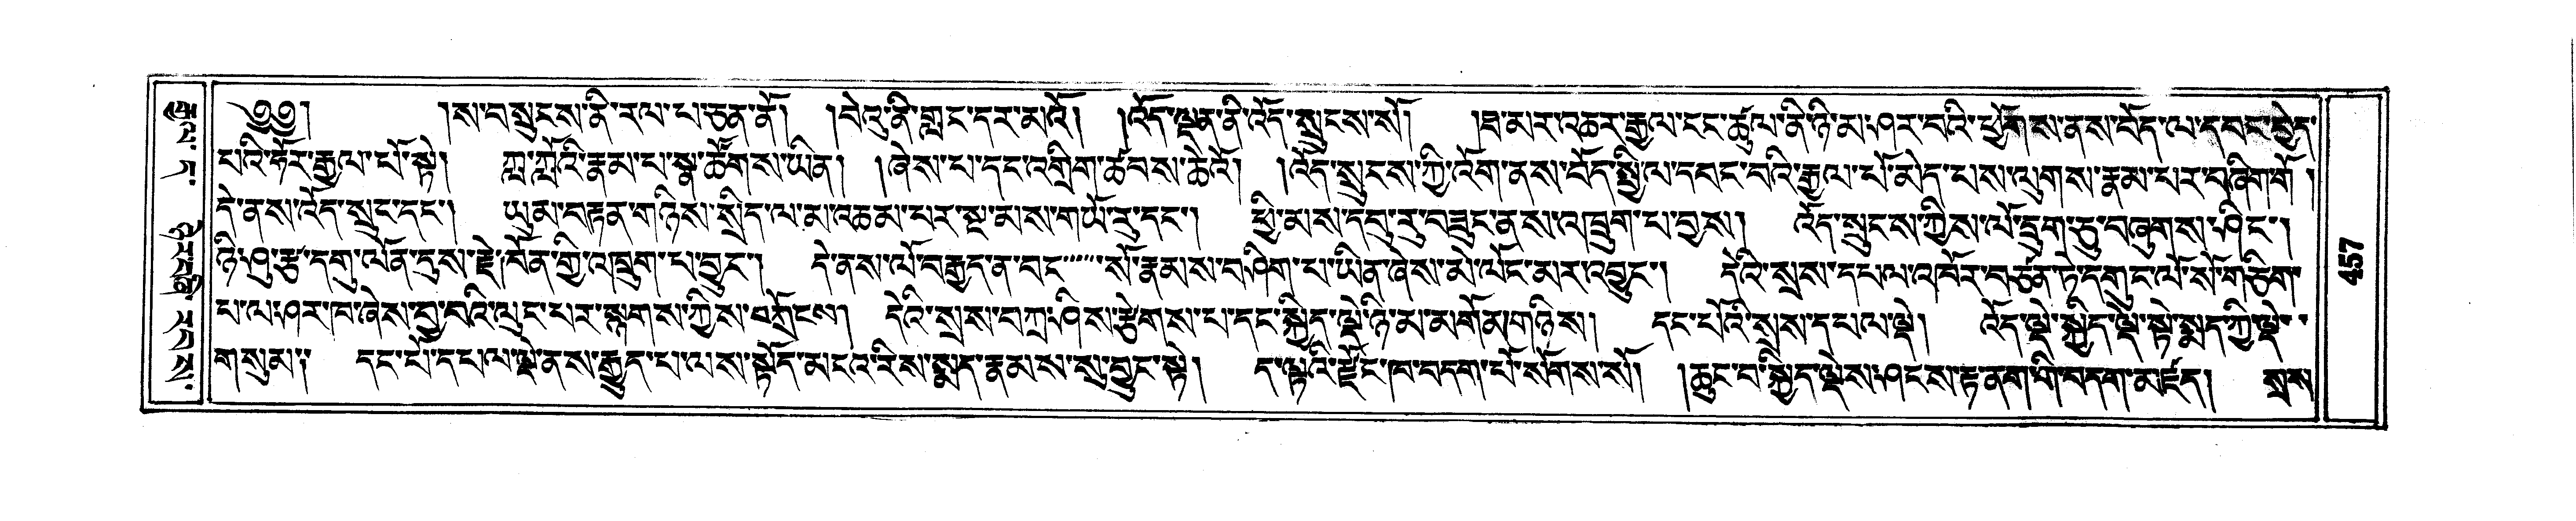༄༅། །ས་བསྲུངས་ནི་རལ་པ་ཅན་ནོ། །བེའུ་ནི་གླང་དར་མའོ། །འོད་ལྡན་ནི་འོད་སྲུངས་སོ། །ཐ་མར་འཆར་རྒྱལ་ངང་ཚུལ་ནི་ཉི་མ་ཤར་བའི་ཕྱོགས་ནས་བོད་ལ་དབང་བྱེད་
པའི་ཧོར་རྒྱལ་པོ་སྟེ། ཀླ་ཀློའི་རྣམ་པ་སྣ་ཚོགས་ཡིན། ཞེས་པ་དང་འགྲིག་ཚ་བས་ཆེའོ། །འོད་སྲུངས་ཀྱི་འོག་ནས་བོད་སྤྱི་ལ་དབང་བའི་རྒྱལ་པོ་མེད་པས་ལུགས་རྣམ་པར་བཞིག་གོ།
དེ་ནས་འོད་སྲུང་དང་། ཡུམ་བརྟན་གཉིས་སྲིད་ལ་མ་འཆམ་པར་སྔ་མས་གཡོ་རུ་དང་། ཕྱི་མས་དབུ་རུ་བཟུང་ནས་འཁྲུག་པ་བྱས། འོད་སྲུངས་ཀྱིས་ལོ་དྲུག་ཅུ་བཞུགས་ཤིང་།
ཉི་ཤུ་རྩ་དགུ་ལོན་དུས་རྗེ་ཁོན་གྱི་འཁྲུག་པ་བྱུང་། དེ་ནས་ལོ་བརྒྱད་ན་བང་སོ་རྣམས་བཤིག་པ་ཡིན་ཞེས་མེ་ལོང་མར་འབྱུང་། དེའི་སྲས་དཔལ་འཁོར་བཙན་ཏེ་དགུང་ལོ་སོ་གཅིག་
པ་ལ་ཤར་ཁ་ཞེས་བྱ་བའི་ལུང་པར་སྙགས་ཀྱིས་བཀྲོངས། །དེའི་སྲས་བཀྲ་ཤིས་རྩེགས་པ་དང་སྐྱིད་ལྡེ་ཉི་མ་མགོམ་གཉིས། དང་པོའི་སྲས་དཔལ་ལྡེ། འོད་ལྡེ་སྐྱིད་ལྡེ་སྟེ་སྨད་ཀྱི་ལྡེ་
གསུམ༑ དང་པོ་དཔལ་ལྡེ་ནས་རྒྱུད་པ་ལས་སྟོད་མངའ་རིས་སྨད་རྣམས་སུ་བྱུང་སྟེ། ད་ལྟའི་རྫོང་ཁ་བདག་པོ་སོགས་སོ། །ཆུང་བ་སྐྱིད་ལྡེས་ཤངས་རྟ་ནག་གི་བདག་མཛད། སྲས་